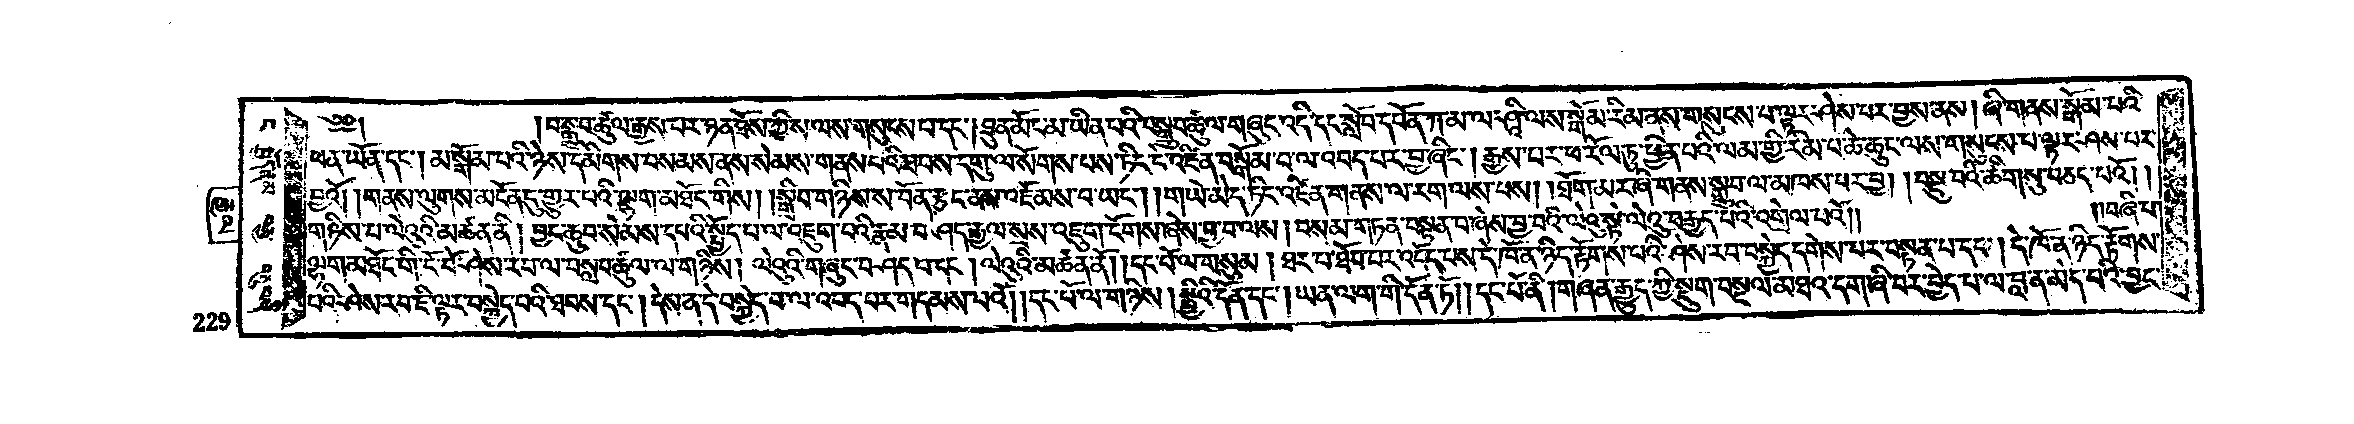༄༅། །བ་སྒྲུབ་ཚུལ་རྒྱས་པར་ཉན་ཐོས་ཀྱི་ས་ལས་གསུངས་པ་དང་། ཐུན་མོང་མ་ཡིན་པའི་བསྒྲུབ་ཚུལ་གཞུང་འདི་དང་སློབ་དཔོན་ཀ་མ་ལ་ཤཱི་ལས་སྒོམ་རིམ་ནས་གསུངས་པ་ལྟར་ཤེས་པར་བྱས་ནས། ཞི་གནས་སྒོམ་པའི་
ཕན་ཡོན་དང་། མ་སྒོམ་པའི་ཉེས་དམིགས་བསམས་ནས་སེམས་གནས་པའི་ཐབས་དགུ་ལ་སོགས་པས་ཏིང་ངེ་འཛིན་བསྒོམ་པ་ལ་འབད་པར་བྱ་ཞིང་། རྒྱས་པར་ཕ་རོལ་ཏུ་ཕྱིན་པའི་ལམ་གྱི་རིམ་པ་ཆེ་ཆུང་ལས་གསུངས་པ་ལྟར་ཤེས་པར་
བྱའོ༑ ༑གནས་ལུགས་མངོན་དུ་གྱུར་པའི་ལྷག་མཐོང་གིས། །སྒྲིབ་གཉིས་ས་བོན་རྩང?་ནས་འཇོམས་པ་ཡང་། །གཡེ་མེད་ཏིང་འཛིན་གནས་ལ་རག་ལས་པས། །ཐོག་མར་ཞི་གནས་སྒྲུབ་ལ་མཁས་པར་བྱ། །བསྡུ་བའི་ཚིགས་སུ་བཅད་པའོ། །
གཉིས་པ་ལེའུའི་མཚན་ནི། བྱང་ཆུབ་སེམས་དཔའི་སྤྱོད་ལ་འཇུག་པའི་རྣམ་བཤད་རྒྱལ་སྲས་འཇུག་ངོགས་ཞེས་བྱ་བ་ལས། བསམ་གཏན་བསྟན་པ་ཞེས་བྱ་བའི་ལེའུ་སྟེ་ལེའུ་བརྒྱད་པའི་འགྲེལ་པའོ།། །།བཞི་པ་
ལྷག་མཐོང་གི་ངོ་བོ་ཤེས་རབ་ལ་བསླབ་ཚུལ་ལ་གཉིས། ལེའུའི་གཞུང་བཤད་པ་དང་། ལེའུའི་མཚན་ནོ། །དང་པོ་ལ་གསུམ། ཐར་པ་ཐོབ་པར་འདོད་པས་དེ་ཁོ་ན་ཉིད་རྟོགས་པའི་ཤེས་རབ་བསྐྱེད་དགོས་པར་བསྟན་པ་དང་། དེ་ཁོ་ན་ཉིད་རྟོགས་
པའི་ཤེས་རབ་ཇི་ལྟར་བསྐྱེད་པའི་ཐབས་དང་། དེས་ན་དེ་བསྐྱེད་པ་ལ་འབད་པར་གདམས་པའོ། །དང་པོ་ལ་གཉིས། སྤྱིའི་དོན་དང་། ཡན་ལག་གི་དོན་ཏོ། །དང་པོ་ནི། གཞན་རྒྱུད་ཀྱི་སྡུག་བསྔལ་མཐའ་དག་ཞི་བར་བྱེད་ལ་བླ་ན་མེད་པའི་བྱང་